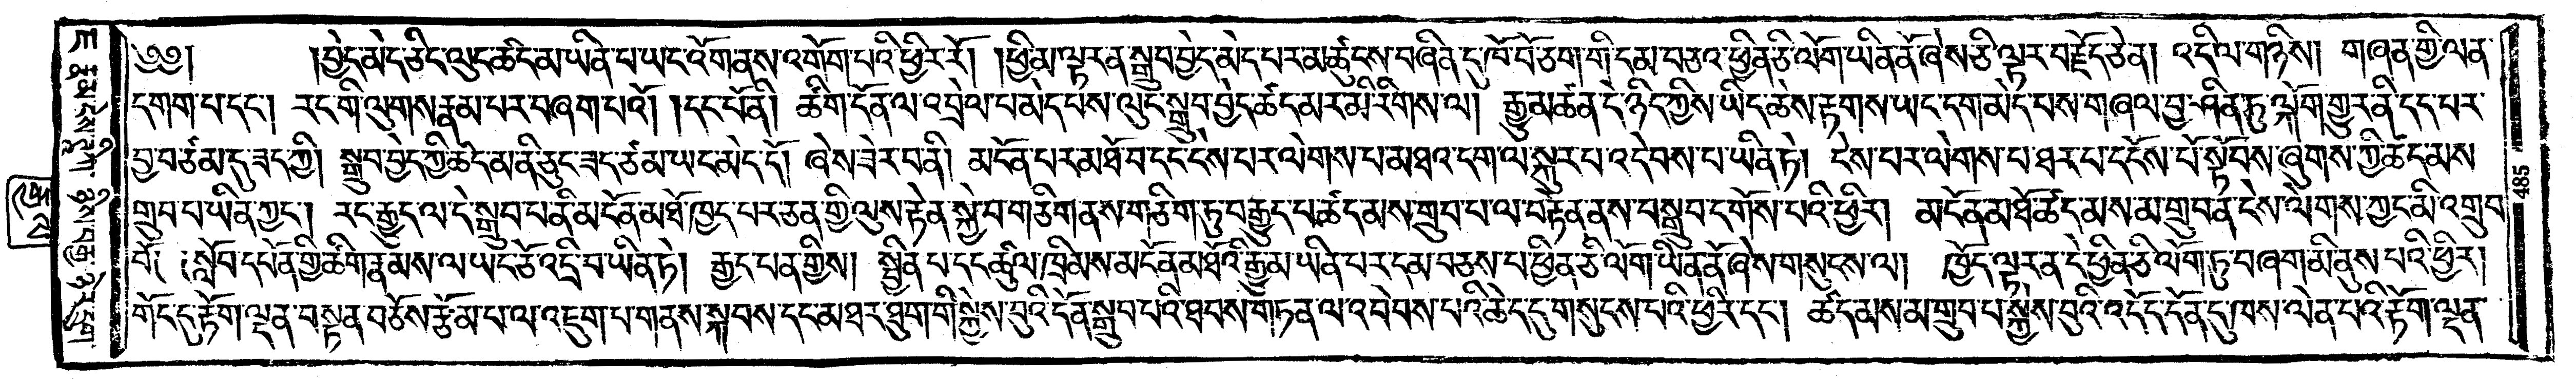༄༅། །བྱེད་མེད་ཅིང་ལུང་ཚད་མ་ཡིན་པ་ཡང་འོག་ནས་འགོག་པའི་ཕྱིར་རོ། །ཕྱི་མ་ལྟར་ན་སྒྲུབ་བྱེད་མེད་པར་མཚུངས་བཞིན་དུ་ཁོ་བོ་ཅག་གི་དམ་བཅའ་ཕྱིན་ཅི་ལོག་ཡིན་ནོ་ཞེས་ཅི་ལྟར་བརྗོད་ཅེ་ན། འདི་ལ་གཉིས། གཞན་གྱི་ལན་
དགག་པ་དང་། རང་གི་ལུགས་རྣམ་པར་བཞག་པའོ། །དང་པོ་ནི། ཚིག་དོན་ལ་འབྲེལ་པ་མེད་པས་ལུང་སྒྲུབ་བྱེད་ཚད་མར་མི་རིགས་ལ། རྒྱུ་མཚན་དེ་ཉིད་ཀྱིས་ཡིད་ཆེས་རྟགས་ཡང་དག་མེད་པས་གཞལ་བྱ་ཤིན་ཏུ་ལྐོག་གྱུར་ནི་དད་པར་
བྱ་བ་ཙམ་དུ་ཟད་ཀྱི། སྒྲུབ་བྱེད་ཀྱི་ཚད་མ་ནི་ཅུང་ཟད་ཙམ་ཡང་མེད་དོ། ཞེས་ཟེར་བ་ནི། མངོན་པར་མཐོ་བ་དང་ངེས་པར་ལེགས་པ་མཐའ་དག་ལ་སྐུར་པ་འདེབས་པ་ཡིན་ཏེ། ངེས་པར་ལེགས་པ་ཐར་པ་དངོས་པོ་སྟོབས་ཞུགས་ཀྱི་ཚད་མས་
གྲུབ་པ་ཡིན་ཀྱང་། རང་རྒྱུད་ལ་དེ་སྒྲུབ་པ་ནི་མངོན་མཐོ་ཁྱད་པར་ཅན་གྱི་ལུས་རྟེན་སྐྱེ་བ་གཅིག་ནས་གཅིག་ཏུ་བརྒྱུད་པ་ཚད་མས་གྲུབ་པ་ལ་བརྟེན་ནས་བསྒྲུབ་དགོས་པའི་ཕྱིར། མངོན་མཐོ་ཚད་མས་མ་གྲུབ་ན་ངེས་ལེགས་ཀྱང་མི་འགྲུབ་
བོ། །སློབ་དཔོན་གྱི་ཚིག་རྣམས་ལ་ཡང་ཅོ་འདྲི་བ་ཡིན་ཏེ། རྒྱང་པན་གྱིས། སྦྱིན་པ་དང་ཚུལ་ཁྲིམས་མངོན་མཐོའི་རྒྱུ་མ་ཡིན་པར་དམ་བཅས་པ་ཕྱིན་ཅི་ལོག་ཡིན་ནོ་ཞེས་གསུངས་ལ། ཁྱོད་ལྟར་ན་དེ་ཕྱིན་ཅི་ལོག་ཏུ་བཞག་མི་ནུས་པའི་ཕྱིར།
གོང་དུ་རྟོག་ལྡན་བསྟན་བཅོས་རྩོམ་པ་ལ་འཇུག་པ་གནས་སྐབས་དང་མཐར་ཐུག་གི་སྐྱེས་བུའི་དོན་སྒྲུབ་པའི་ཐབས་གཏན་ལ་འབེབས་པའི་ཆེད་དུ་གསུངས་པའི་ཕྱིར་དང་། ཚད་མས་མ་གྲུབ་པ་སྐྱེས་བུའི་འདོད་དོན་དུ་ཁས་ལེན་པའི་རྟོག་ལྡན་